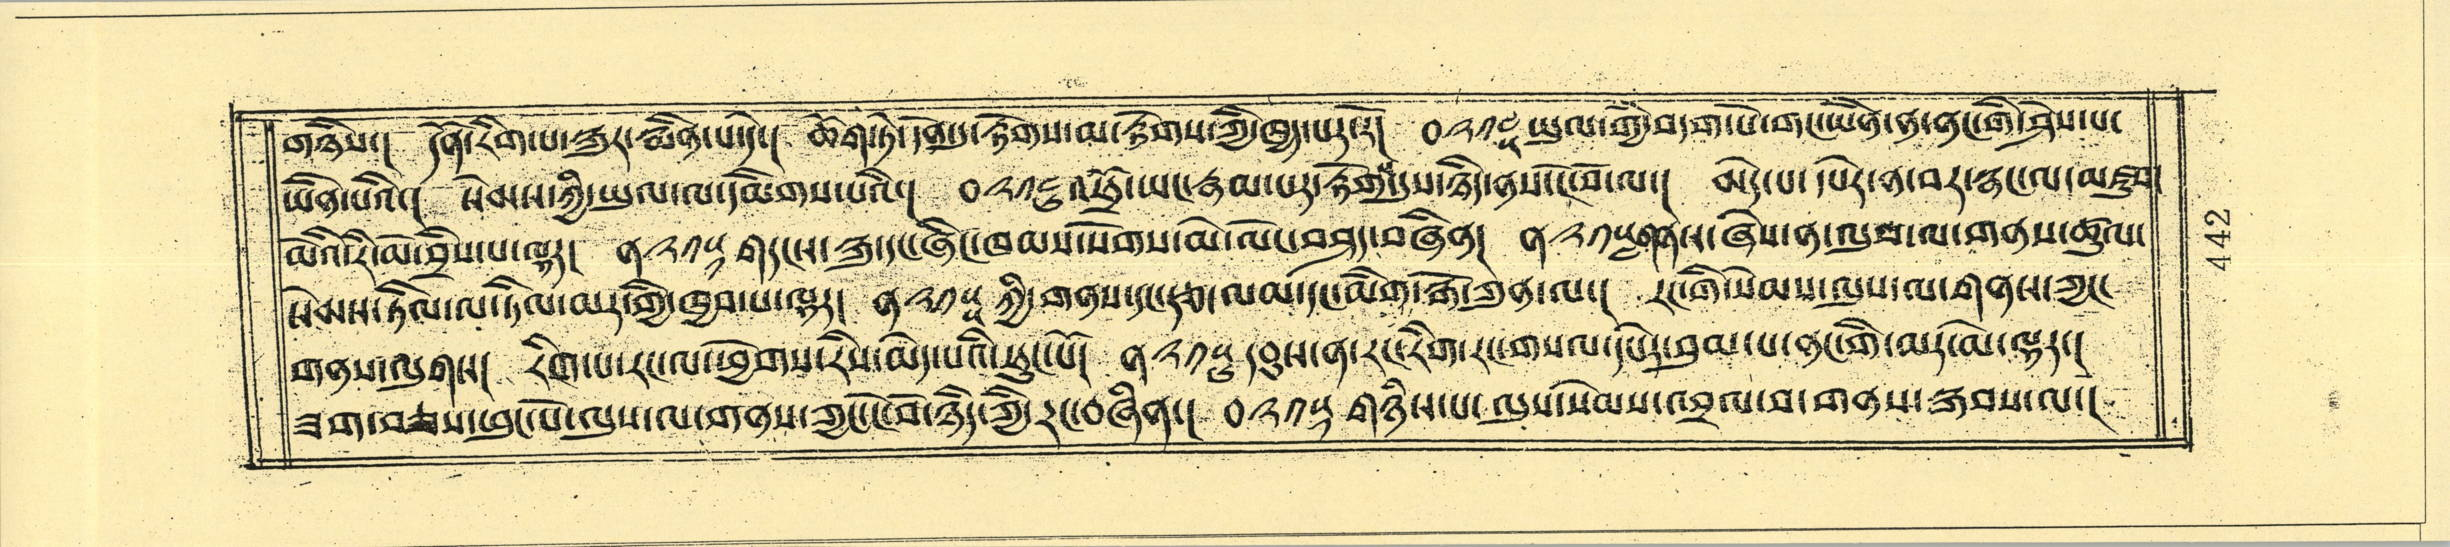གཉིས་ དོན་རིག་པ་སྐུར་སྨིན་པ་དེ་ ཆོག་སྟེ་དོན་དུ་རྟོགས་མ་རྟོགས་ཀྱི་ཁྱད་པར་རོ། བ༢༡༤།༥ ཡུལ་གྱི་བདག་པོ་གང་ཡིན་ན་ནང་གི་ཤེས་པ་
ཡིན་པའི་༼སེམས་ཀྱི་༽ཡུལ་ལ་དམིགས་པའི་ བ༢༡༤།༦༼འཕྲོ་ཡང་༽རྣམ་རྟོག་པའི་དུས་ཉིད་ནས་ངོ་བོ་ལ་༼མེད་པ༽དཔེར་ན་བར་སྣང་ལ་མཛུབ་
མོས་རི་མོ་བྲིས་པ་ལྟར་ ན༢༡༥།༡ ༼གདངས༽སྐུ་དང་ཞིང་ཁམས་སོགས་མེ་ལོང་བཤད་བཞིན་ ན༢༡༥།༤༼གནས༽ཞེས་ན་ལུས་ལ་གནས་ཚུལ་
སེམས་ནི་ཏིལ་ལ་ཏིལ་མར་གྱིས་ཁྱབ་པ་ལྟར་ ན༢༡༥།༥༼ཀྱི༽གནས་དང་༼རྩ་ལམ༽དང་མིག་སྒོ་ཀུན་ལ་ རང་གི་སེམས་ལུས་ལ་༼གནས༽ཀྱང་
གནས་ལུགས་ རིག་པ་རང་ལ་ཕྱོགས་རིས་མེད་པའི་༼ཕུང་པོ༽ན༢༡༥།༦དབུས་ན་རང་རིག་རང་གསལ་དཔེར་བུམ་པ་ནང་གི་མར་མེ་ལྟར་
ཟག་བཅས་ཕུང་པོ་ལུས་ལ་གནས་ཀྱང་ངོ་བོ་ཉིད་ཀྱི་༼རང་བཞིན༽བ༢༡༥།༡༼གཉིས་པ༽ལུས་སེམས་འབྲལ་བ་གནས་སྐབས་ལ་